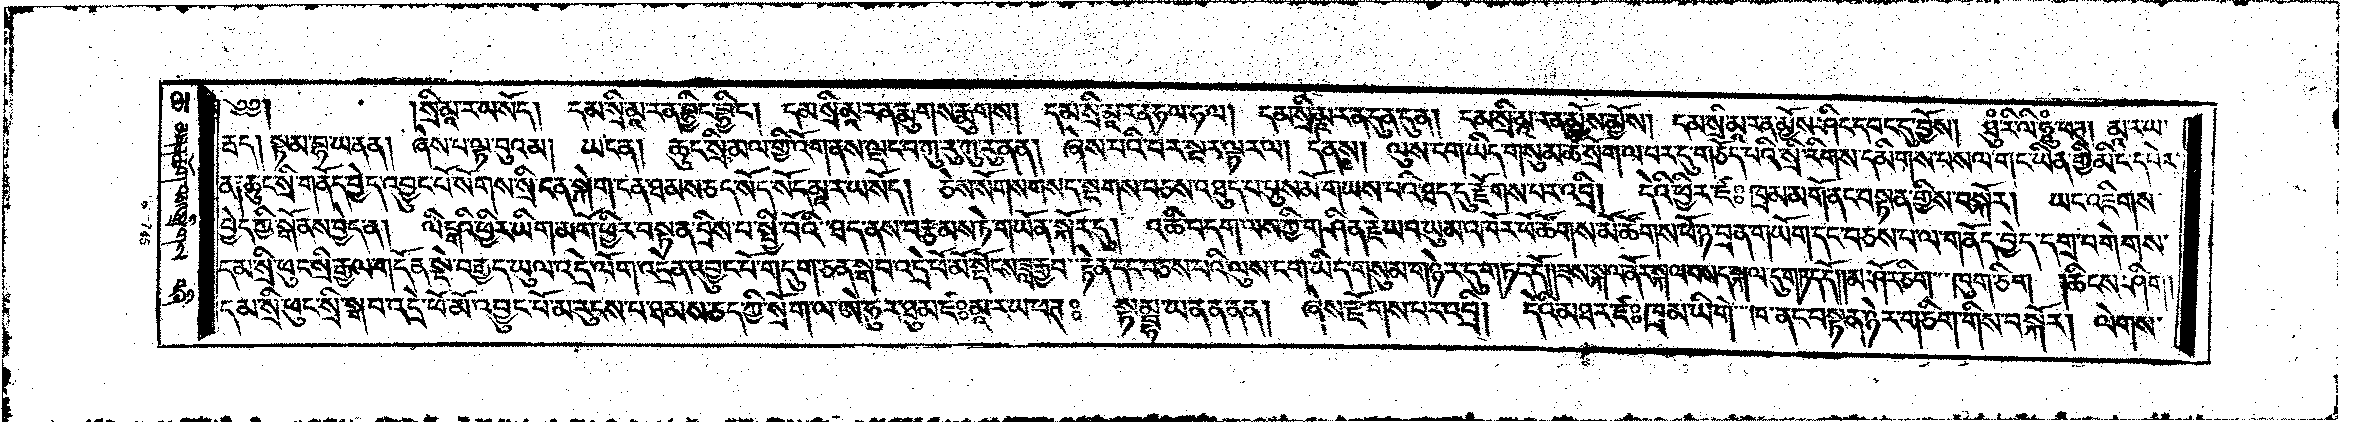༄༅། །སྲི་མཱ་ར་ཡ་སོད། དམ་སྲི་མཱ་ར་ན་བྷྱིང་བྷྱིང་། དམ་སྲི་མཱ་ར་ན་རྨུགས་རྨུགས། དམ་སྲི་མཱ་ར་ན་ཧ་ལ་ཧ་ལ། དམ་སྲི་མཱ་ར་ན་དུན་དུན། དམ་སྲི་མཱ་ར་ན་མྱོས་མྱོས། དམ་སྲི་མཱ་ཡ་ན་མྱོས་ཤིང་དབང་དུ་བྱོས། ཐུཾ་རི་ལི་ཧཱུཾ་ཕཊ། མཱ་ར་ཡ་
རྦད། སྟམ་བྷ་ཡ་ནན། ཞེས་པ་ལྟ་བུའམ། ཡང་ན། ཆུང་སྲི་མལ་གྱི་འོག་ནས་ལྡང་བ་ཀུ་རུ་ཀུ་རུ་ནན། ཞེས་པའི་བར་སྔར་ལྟར་ལ། དེ་ནས། ལུས་ངག་ཡིད་གསུམ་ཚ་སྲོག་ལ་བར་དུ་གཅོད་པའི་སྲི་རིགས་དམིགས་བསལ་གང་ཡིན་གྱི་མིང་དཔེར་
ན༑ ཆུང་སྲི་གནོད་བྱེད་འབྱུང་པོ་སོགས་སྲི་ངན་སྐེག་ངན་ཐམས་ཅད་སོད་སོད་མཱ་ར་ཡ་སོད། ཅེས་སོགས་གསང་སྔགས་བཅས་འཐུད་པ་པུས་མོ་གཡས་པའི་ཐད་དུ་རྫོགས་པར་འབྲི། དེའི་ཕྱིར་ཛཿཁྲམ་མགོ་ནང་བསྟན་གྱིས་བསྐོར། ཡང་འཇིགས་
བྱེད་ཀྱི་སྒོ་ནས་བྱེད་ན། ལིངྒའི་ཕྱིར་ཡིག་མགོ་ཕྱིར་བསྟན་བྲིས་པ་སྤྱི་བོའི་ཐད་ནས་བརྩམས་ཏེ་གཡོན་སྐོར་དུ། འཆི་བདག་ལས་ཀྱི་གཤིན་རྗེ་ཡབ་ཡུམ་འཁོར་ཕོ་ཚོགས་མོ་ཚོགས་ཕོ་ཉ་བྲན་གཡོག་དང་བཅས་པ་ལ་གནོད་བྱེད་དགྲ་བགེགས་
དམ་སྲི་ཕུང་སྲི་རྒྱལ་གདོན་སྡེ་བརྒྱད་ཡུལ་འདྲེ་ལོག་འདྲེན་འབྱུང་པོ་གདུག་ཅན་སྒབ་འདྲེ་ཕོ་མོ་སྡོངས་ཟླ་རྒྱབ་རྟེན་དང་བཅས་པའི་ལུས་ངག་ཡིད་གསུམ་གཉེར་དུ་གཏད་དོ། །ཟས་སྐལ་ནོར་སྐལ་བསད་སྐལ་དུ་གཏད་དོ། །མ་ཤོར་ཅིག་ཁུ་གཅིག །ཆིངས་ཤིག། །
དམ་སྲི་ཕུང་སྲི་སྒབ་འདྲེ་ཕོ་མོ་འབྱུང་པོ་མ་རུངས་པ་ཐམས་ཅད་ཀྱི་སྲོག་ལ་ཨེ་ཧུར་ཐུམ་ཛཿ མཱ་ར་ཡ་ཕཊཿ སྟམྦྷ་ཡ་ནན་ནན། ཞེས་རྫོགས་པར་འབྲི། དེའི་མཐར་ཛཿཁྲམ་ཡི་གེ་ཁ་ནང་བསྟན་ཉེར་གཅིག་གིས་བསྐོར། ལེགས་